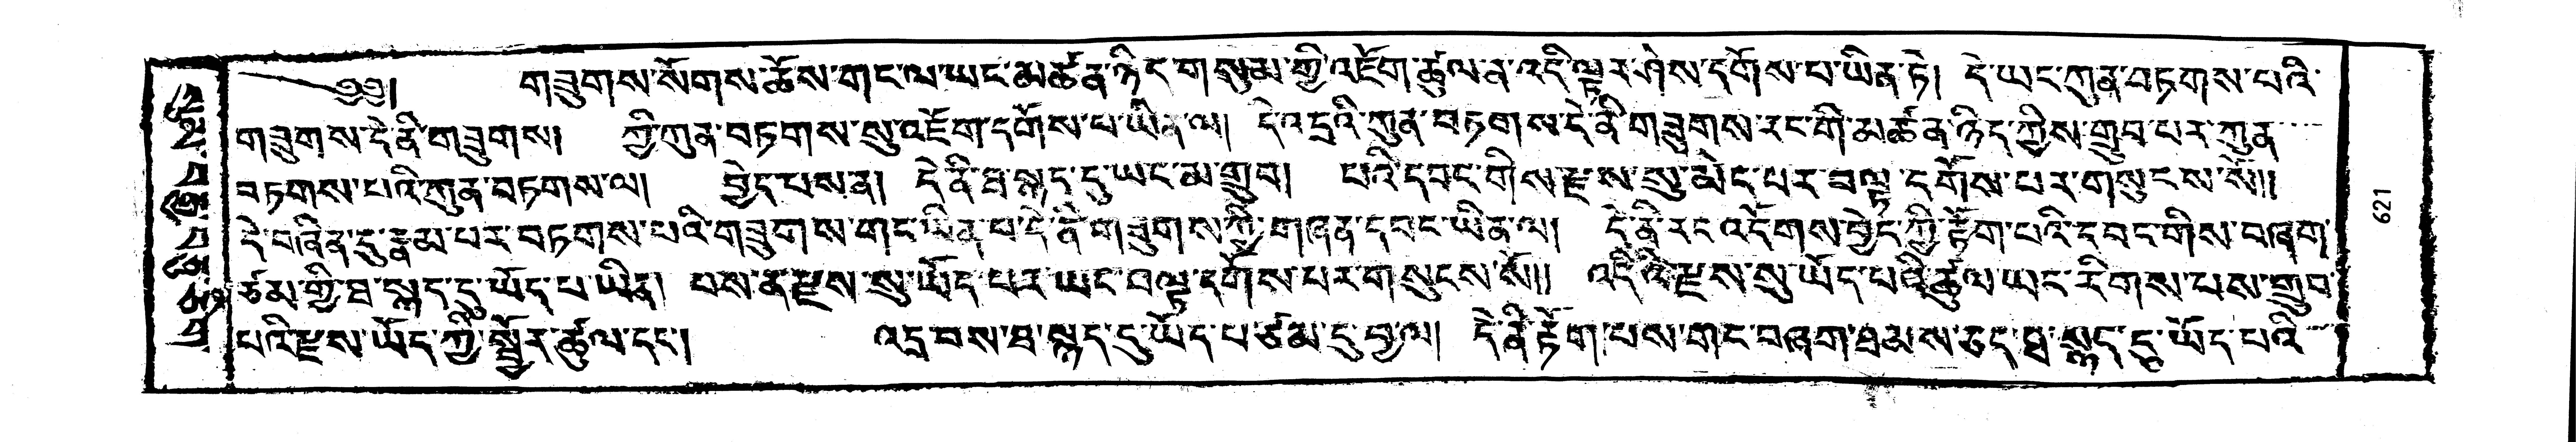༄༅། །གཟུགས་སོགས་ཆོས་གང་ལ་ཡང་མཚན་ཉིད་གསུམ་གྱི་འཇོག་ཚུལ་ན་འདི་ལྟར་ཤེས་དགོས་པ་ཡིན་ཏེ། དེ་ཡང་ཀུན་བཏགས་པའི་
གཟུགས་དེ་ནི་གཟུགས། ཀྱི་ཀུན་བཏགས་སུ་འཇོག་དགོས་པ་ཡིན་ལ། དེ་འདྲའི་ཀུན་བཏགས་དེ་ནི་གཟུགས་རང་གི་མཚན་ཉིད་ཀྱིས་གྲུབ་པར་ཀུན་
བཏགས་པའི་ཀུན་བཏགས་ལ། བྱེད་པས་ན། དེ་ནི་ཐ་སྙད་དུ་ཡང་མ་གྲུབ། པའི་དབང་གིས་རྫས་སུ་མེད་པར་བལྟ་དགོས་པར་གསུངས་སོ།།
དེ་བཞིན་དུ་རྣམ་པར་བཏགས་པའི་གཟུགས་གང་ཡིན་པ་དེ་ནི་གཟུགས་ཀྱི་གཞན་དབང་ཡིན་ལ། དེ་ནི་རང་འདོགས་བྱེད་ཀྱི་རྟོག་པའི་དབང་གིས་བཞག་
ཙམ་གྱི་ཐ་སྙད་དུ་ཡོད་པ་ཡིན། པས་ན་རྫས་སུ་ཡོད་པར་ཡང་བལྟ་དགོས་པར་གསུངས་སོ།། འདིའི་རྫས་སུ་ཡོད་པའི་ཚུལ་ཡང་རིགས་པས་གྲུབ་
པའི་རྫས་ཡོད་ཀྱི་སྦྱོར་ཚུལ་དང་། འདྲ་བས་ཐ་སྙད་དུ་ཡོད་པ་ཙམ་དུ་བྱ་ལ། དེ་ནི་རྟོག་པས་གང་བཞག་ཐམས་ཅད་ཐ་སྙད་དུ་ཡོད་པའི་